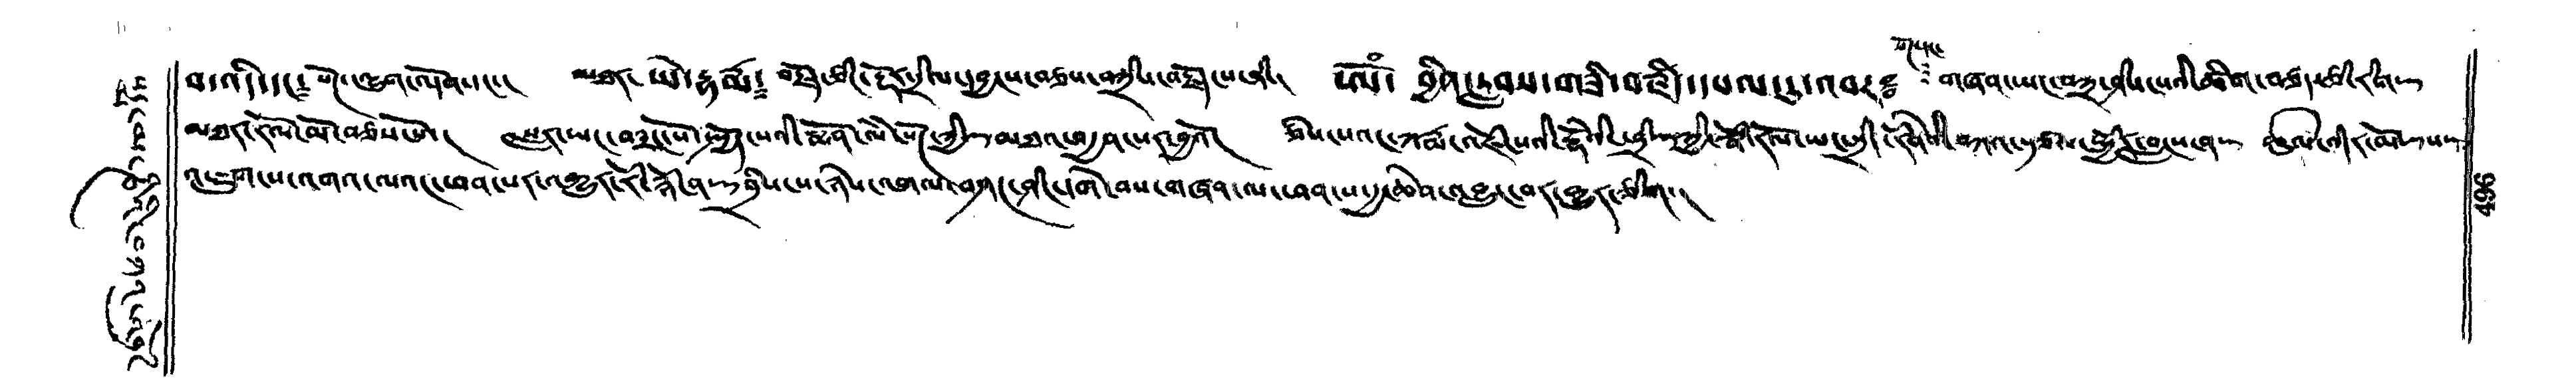བ་འདི་དང་༴ སོགས་ལྷུག་འདོན་དང་། མཐར་ཡེ་དྷརྨ༴ བརྗོད་ཅིང་རྡོར་དྲིལ་དབྱངས་བཅས་བཀྲ་ཤིས་བརྗོད་པ་ནི། ཨོཾ༔ བྱིན་རླབས་གཟི་བརྗིད་དཔལ་དུ་འབར༔ སོགས་དང་། གཞན་ཡང་བཀྲ་ཤིས་པའི་ཚིགས་བཅད་ཅི་རིགས་
མཐར་རོལ་མོ་བཅས་སོ། སླར་ཡང་བཟང་པོ་སྤྱོད་པའི་སྨོན་ལམ་སོགས་ཀྱིས་མཐའ་བརྒྱན་པར་བྱའོ། །ཅེས་པའང་ཀརྨ་འཇམ་པའི་རྡོ་རྗེའི་ཕྲིན་ལས་ཀྱི་རྣམ་རོལ་ཡང་སྲིད་རིན་པོ་ཆེའི་བཀའ་བསྩལ་སྤྱི་བོར་བླངས་ནས། ཚུལ་འདིར་མོས་པས་
འཇུག་པ་འགའ་ལའང་ཕན་པར་འགྱུར་རམ་སྙམ་ནས་བྲིས་པ་ཉེས་འགལ་བཤགས་ཤིང་དགེ་བས་གཞན་ལ་ཕན་པ་རྒྱ་ཆེན་འབྱུང་བར་གྱུར་ཅིག། དགེའོ།།